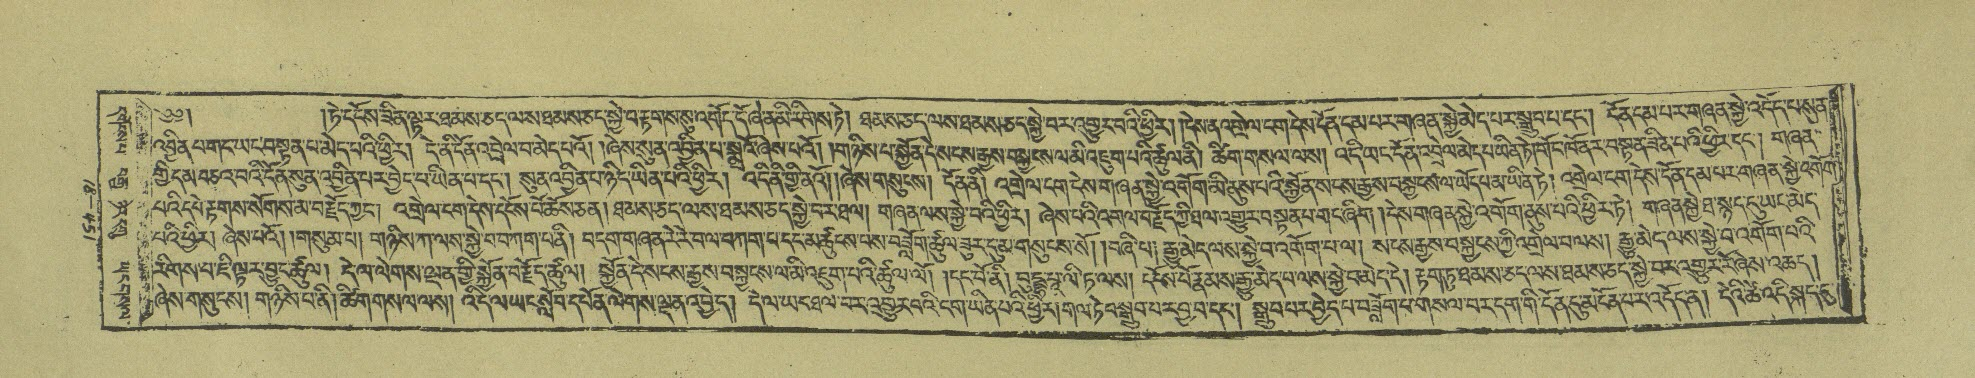༄༅། །ཏེ་དངོས་ཟིན་ལྟར་ཐམས་ཅད་ལས་ཐམས་ཅད་སྐྱེ་བ་རྟགས་སུ་འགོད་དོ་ཞེ་ན་མི་རིགས་ཏེ། ཐམས་ཅད་ལས་ཐམས་ཅད་སྐྱེ་བར་འགྱུར་བའི་ཕྱིར། །དེས་ན་འགྲེལ་ངག་དེས་དོན་དམ་པར་གཞན་སྐྱེ་མེད་པར་སྒྲུབ་པ་དང་། དོན་དམ་པར་གཞན་སྐྱེ་འདོད་པ་
འབྱིན་པ་གང་ཡང་བསྟན་པ་མེད་པའི་ཕྱིར། དེ་ནི་དོན་འབྲེལ་བ་མེད་པའོ། །ཞེས་སུན་འབྱིན་པ་སྨྲའོ་ཞེས་པའོ། །གཉིས་པ་སྐྱོན་དེ་སངས་རྒྱས་བསྐྱངས་ལ་མི་འཇུག་པའི་ཚུལ་ནི། ཚིག་གསལ་ལས། འདི་ཡང་དོན་འབྲེལ་མེད་པ་ཡིན་ཏེ། གོང་ཁོ་ནར་བསྟན་ཟིན་པའི་ཕྱིར་དང་། གཞན་
གྱི་དམ་བཅའ་བའི་ངོན་སུན་འབྱིན་པར་བྱེད་པ་ཡིན་པ་དང་། སུན་འབྱིན་པ་ཉིད་ཡིན་པའི་ཕྱིར། འདི་ནི་གྱི་ནའོ། །ཞེས་གསུངས། དོན་ནི། འགྲེལ་ངག་དེས་གཞན་སྐྱེ་འགོག་མི་ནུས་པའི་སྐྱོན་སངས་རྒྱས་བསྐྱངས་ལ་ཡོད་པ་མ་ཡིན་ཏེ། འགྲེལ་ངག་དེས་དོན་དམ་པར་གཞན་སྐྱེ་འགོག་
པའི་དཔེ་རྟགས་སོགས་མ་བརྗོད་ཀྱང་། འགྲེལ་ངག་དེས་དངོས་པོ་ཆོས་ཅན། ཐམས་ཅད་ལས་ཐམས་ཅད་སྐྱེ་བར་ཐལ། གཞན་ལས་སྐྱེ་བའི་ཕྱིར། ཞེས་པའི་འགལ་བརྗོད་ཀྱི་ཐལ་འགྱུར་བསྟན་པ་གང་ཞིག །དེས་གཞན་སྐྱེ་འགོག་ནུས་པའི་ཕྱིར་ཏེ། གཞན་སྐྱེ་ཐ་སྙད་དུ་ཡང་མེད་
པའི་ཕྱིར། ཞེས་པའོ། །གསུམ་པ། གཉིས་ཀ་ལས་སྐྱེ་བ་བཀག་པ་ནི། བདག་གཞན་རེ་རེ་བ་ལ་བཀག་པ་དང་མཚུངས་པས་བཟློག་ཚུལ་ཟུར་དུ་མ་གསུངས་སོ། །བཞི་པ། རྒྱུ་མེད་ལས་སྐྱེ་བ་འགོག་པ་ལ། སངས་རྒྱས་བསྐྱངས་ཀྱི་འགྲེལ་པ་ལས། རྒྱུ་མེད་ལས་སྐྱེ་བ་འགོག་པའི་
རིགས་པ་ཇི་ལྟར་བྱུང་ཚུལ། དེ་ལ་ལེགས་ལྡན་གྱི་སྐྱོན་བརྗོད་ཚུལ། སྐྱོན་དེ་སངས་རྒྱས་བསྐྱངས་ལ་མི་འཇུག་པའི་ཚུལ་ལོ། །དང་པོ་ནི། བུདྡྷ་པཱ་ལི་ཏ་ལས། དངོས་པོ་རྣམས་རྒྱུ་མེད་པ་ལས་སྐྱེ་བ་མེད་དེ། རྟག་ཏུ་ཐམས་ཅད་ལས་ཐམས་ཅད་སྐྱེ་བར་འགྱུར་རོ་ཞེས་འཆད།
ཞེས་གསུངས། གཉིས་པ་ནི། ཚིག་གསལ་ལས། འདི་ལ་ཡང་སློབ་དཔོན་ལེགས་ལྡན་འབྱེད། དེ་ལ་ཡང་ཐལ་བར་འགྱུར་པའི་ངག་ཡིན་པའི་ཕྱིར། གལ་ཏེ་བསྒྲུབ་པར་བྱ་བ་དང་། སྒྲུབ་པར་བྱེད་པ་བཟློག་པ་གསལ་བར་དག་གི་དོན་དུ་མངོན་པར་འདོད་ན། དེའི་ཚེ་འདི་སྐད་དུ་